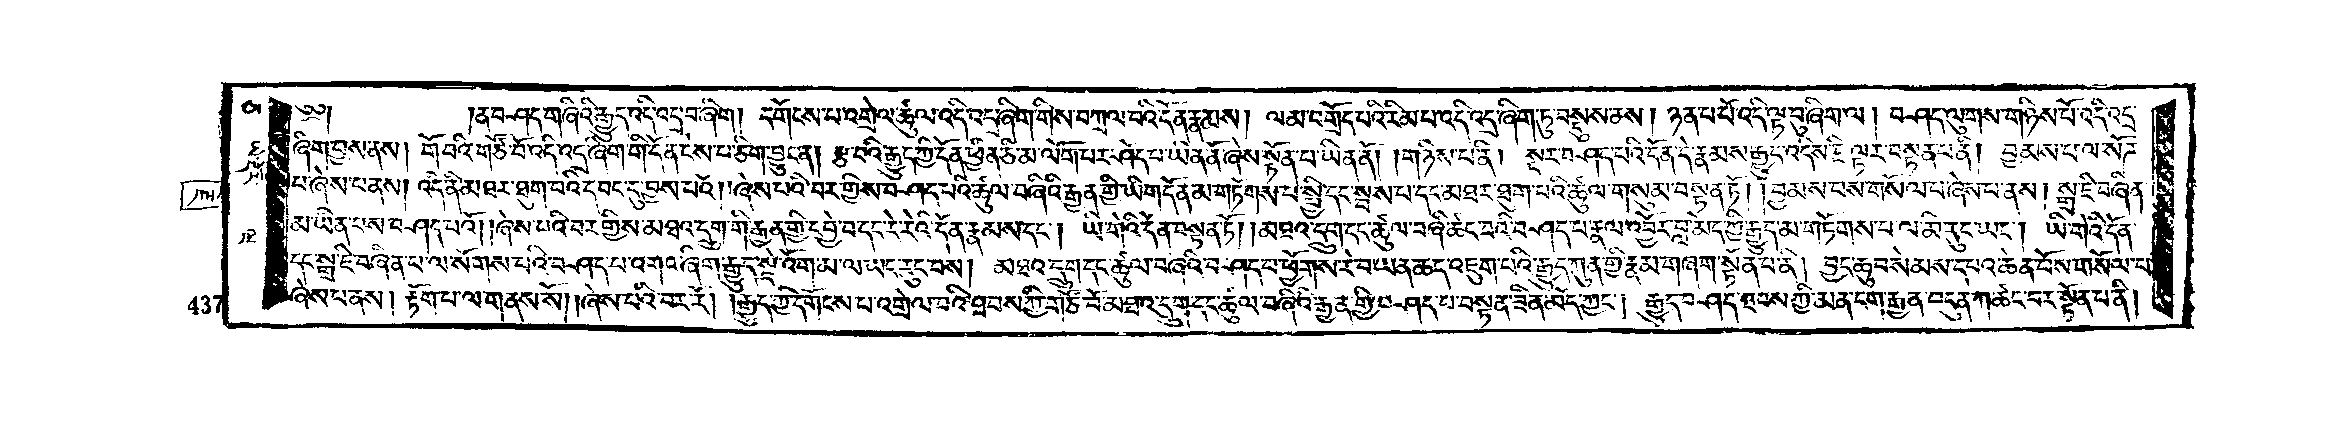༄༅། །ན་བཤད་གཞིའི་རྒྱུད་འདི་འདྲ་བ་ཞིག །དགོངས་པ་འགྲེལ་ཚུལ་འདི་འདྲ་ཞིག་གིས་བཀྲལ་བའི་དོན་རྣམས། ལམ་བགྲོད་པའི་རིམ་པ་འདི་འདྲ་ཞིག་ཏུ་བསྡུས་ནས། ཉན་པ་པོ་འདི་ལྟ་བུ་ཞིག་ལ། བཤད་ལུགས་གཉིས་པོ་འདི་འདྲ་
ཞིག་བྱས་ནས། གོ་བའི་གཙོ་བོ་འདི་འདྲ་ཞིག་གི་དོན་ངེས་པ་ཅིག་བྱུང་ན། རྩ་བའི་རྒྱུད་ཀྱི་དོན་ཕྱིན་ཅི་མ་ལོག་པར་ཤོད་པ་ཡིན་ནོ་ཞེས་སྟོན་པ་ཡིན་ནོ། །གཉིས་པ་ནི། སྔར་བཤད་པའི་དོན་དེ་རྣམས་རྒྱུད་འདིས་ཇི་ལྟར་བསྟན་པ་ནི། བྱམས་པ་ལ་སོགས་
པ་ཞེས་པ་ནས། འདི་ནི་མཐར་ཐུག་པའི་དབང་དུ་བྱས་པའོ། །ཞེས་པའི་བར་གྱིས་བཤད་པའི་ཚུལ་བཞིའི་རྒྱན་གྱི་ཡིག་དོན་མ་གཏོགས་པ་སྤྱི་དང་སྦས་པ་དང་མཐར་ཐུག་པའི་ཚུལ་གསུམ་བསྟན་ཏོ། །བྱམས་པས་གསོལ་པ་ཞེས་པ་ནས། སྒྲ་ཇི་བཞིན་
མ་ཡིན་པས་བཤད་པའོ། །ཞེས་པའི་བར་གྱིས་མཐའ་དྲུག་གི་རྒྱན་གྱི་དབྱེ་བ་དང་རེ་རེའི་དོན་རྣམས་དང་། ཡི་གེའི་དོན་བསྟན་ཏོ། །མཐའ་དྲུག་དང་ཚུལ་བཞི་ཚང་བའི་བཤད་པ་རྣལ་འབྱོར་བླ་མེད་ཀྱི་རྒྱུད་མ་གཏོགས་པ་ལ་མི་རུང་ཡང་། ཡི་གེའི་དོན་
དང་སྒྲ་ཇི་བཞིན་པ་ལ་སོགས་པའི་བཤད་པ་འགའ་ཞིག་རྒྱུད་སྡེ་འོག་མ་ལ་ཡང་རུང་བས། མཐའ་དྲུག་དང་ཚུལ་བཞིའི་བཤད་པ་ཕྱོགས་རེ་བ་ཡན་ཆད་འཇུག་པའི་རྒྱུད་ཀུན་གྱི་རྣམ་གཞག་སྟོན་པ་ནི། བྱང་ཆུབ་སེམས་དཔའ་ཆེན་པོས་གསོལ་པ་
ཞེས་པ་ནས། རྟོག་པ་ལ་གནས་སོ། །ཞེས་པའི་བར་རོ། །རྒྱུད་ཀྱི་དགོངས་པ་འགྲེལ་བའི་ཐབས་ཀྱི་གཙོ་བོ་མཐའ་དྲུག་དང་ཚུལ་བཞིའི་རྒྱན་གྱི་བཤད་པ་བསྟན་ཟིན་མོད་ཀྱང་། རྒྱུད་བཤད་ཐབས་ཀྱི་མན་ངག་རྒྱན་བདུན་ཀ་ཚང་བར་སྟོན་པ་ནི།